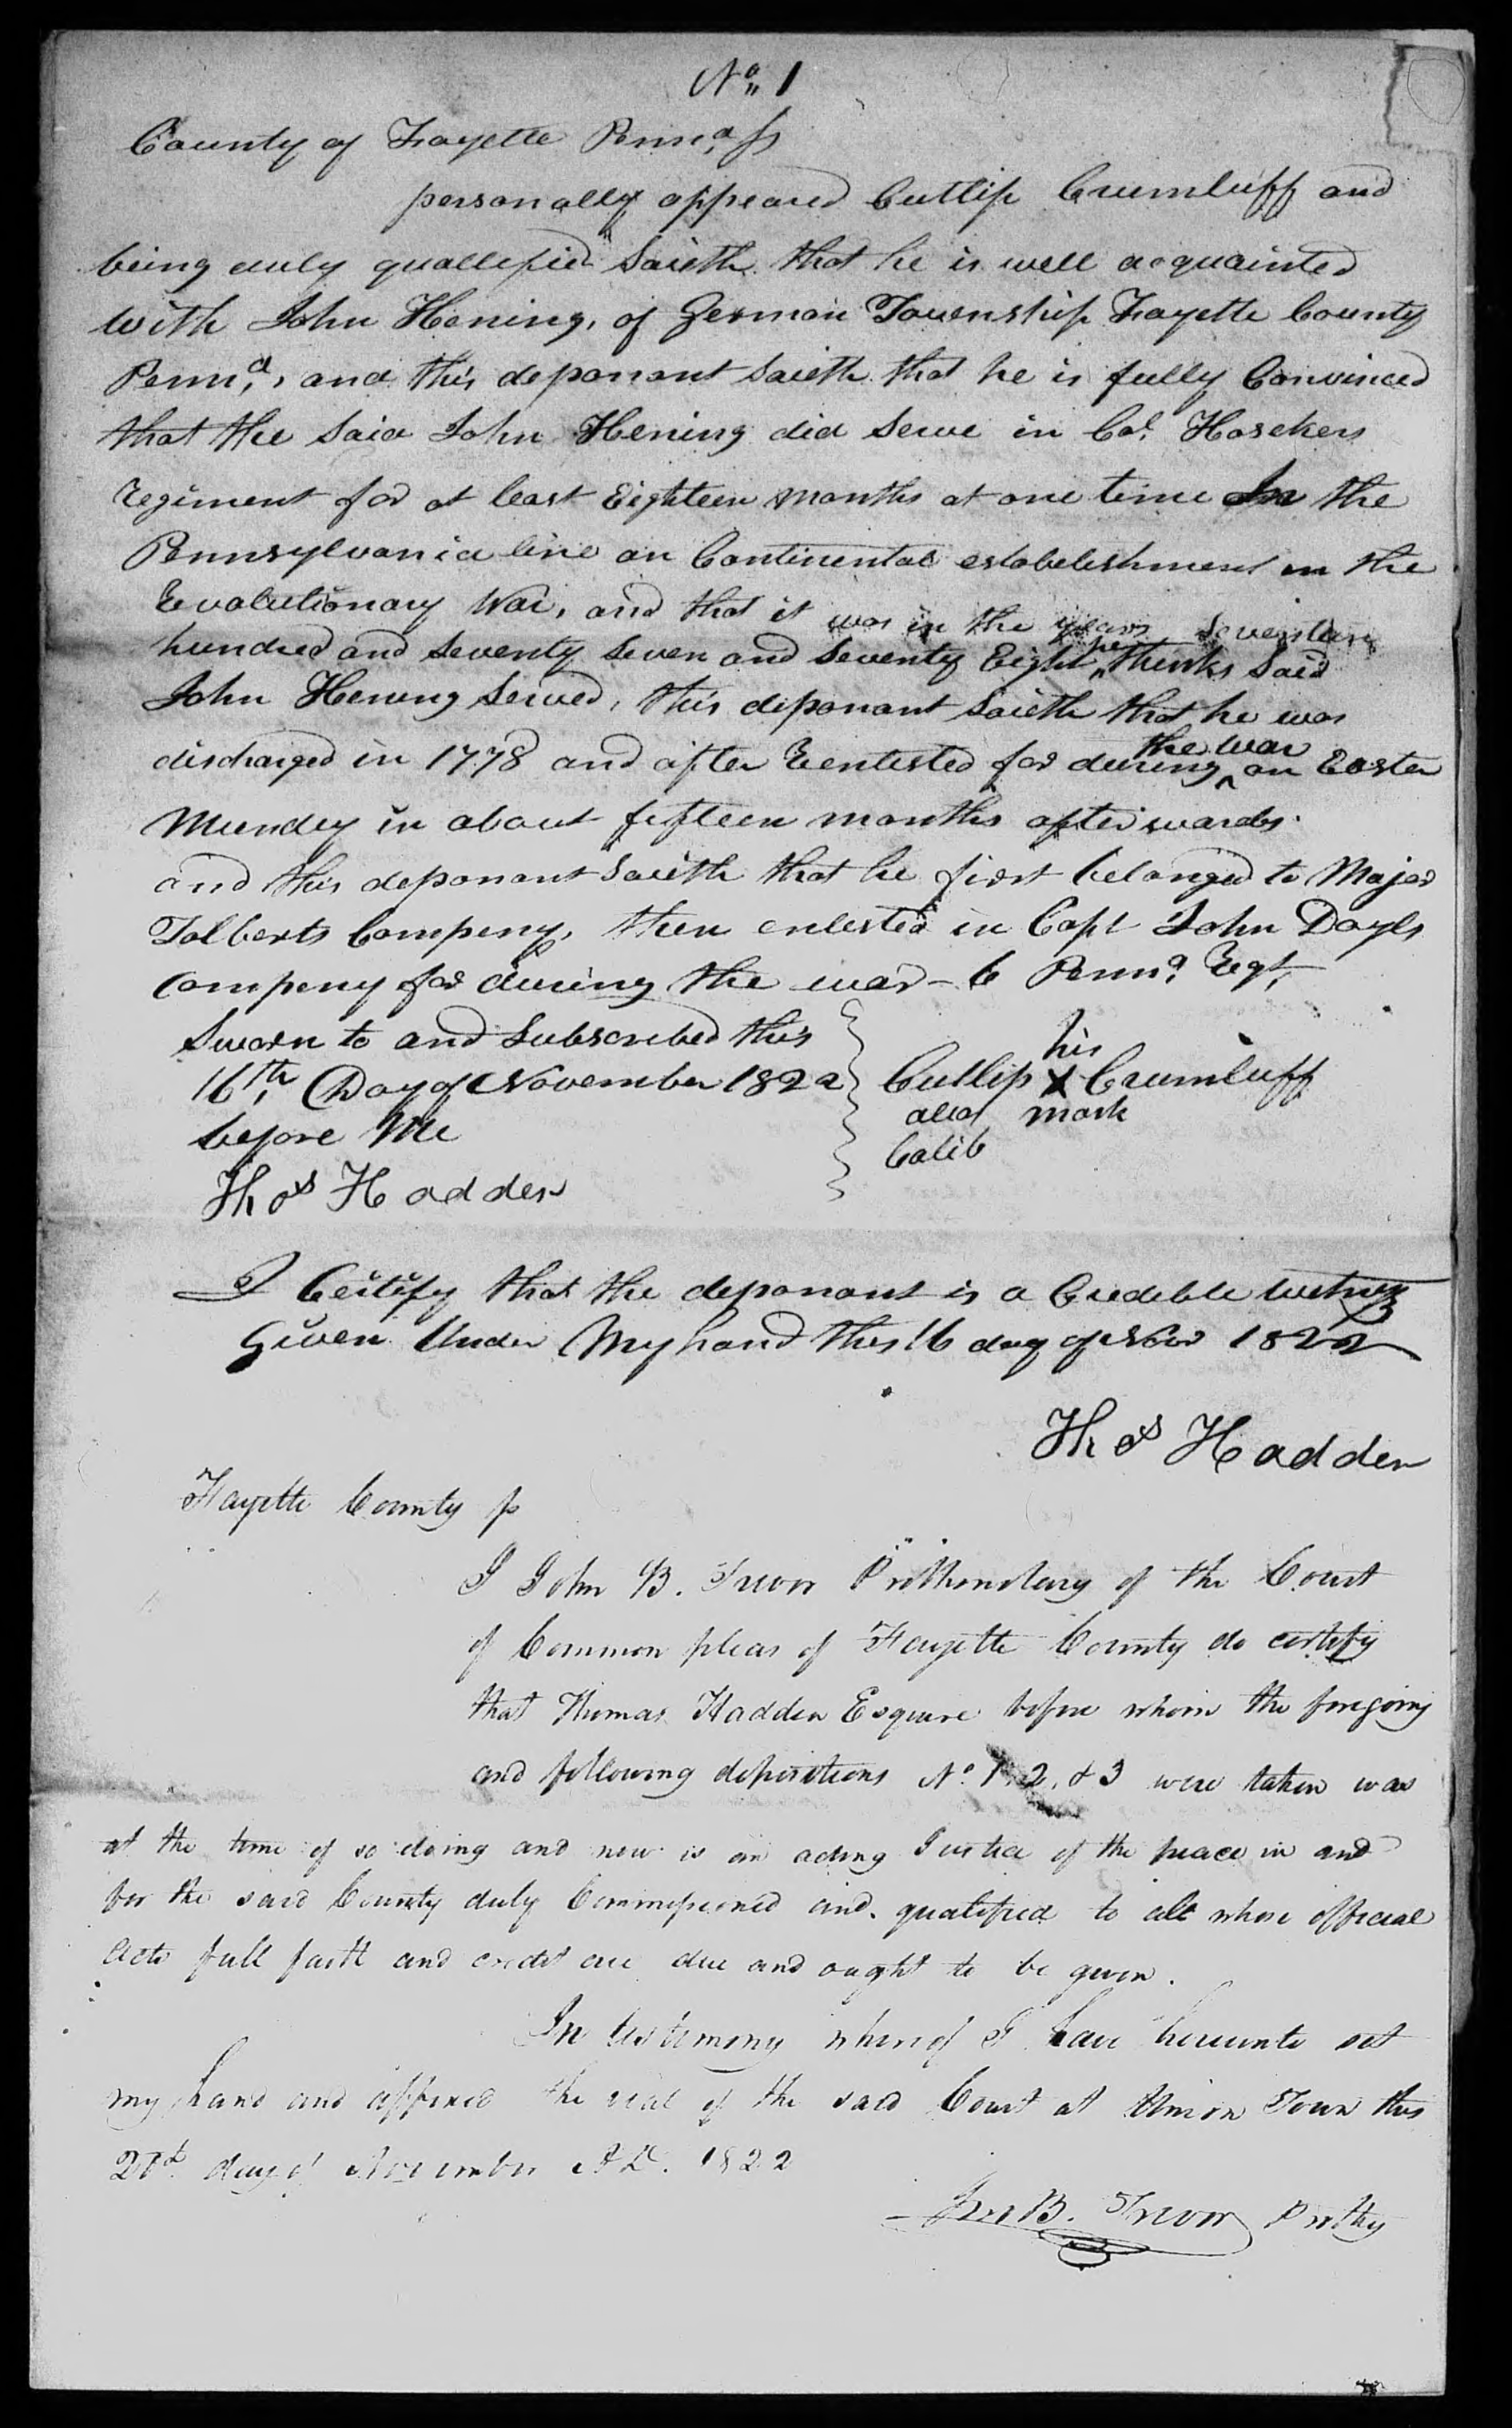No. 1
County of Fayette Penna
personally appeared Phillip Crusnluff and being duly qualified Saith that he is well acquainted with John Hening, of German Township Fayette County Penna and this depssant Saieth that he is fully Convinced that the Said John Hening did serve in Col. Hosekers regiment for at least eighteen months at one time in the Revolutionary War, and that it was in the years Seventeen hundred and Seventy Seven and Seventy Eight he thinks Said John Hening this dipossant Saieth that he was discharged in 1778 and after reenlisted for during the war on Easter Monday in about fifteen months afterwards and the deponant Saieth that he first belonged to Major Tolberts Company, then enlisted in Capt John Doyls Company for during the war - to Penna Regt. 
Sworn to and Subscribed this 11th Day of November 1822 before Mr Thos Hadden
Phillip x  Crusnluff 
his mark 
I Certify that the deponant is a Credible witness Given under my hand this 16 day of Nov 1822
Thos Hadden 
Fayette County
I John B Snow Prothonotary of the Court of Common pleas of Fayette County do certify that Thomas Hadden Esquire before whom the forgoing and following depositions No.1, 2 + 3 were taken was at the time of so doing and now is an acting  Justice of the peace in and for the said County duly Commisioned and quartered to all whose official acts full faith and credit are due and ought to be given. 
In testimony whereof I have hereunto set my hand and affixed the seal of the said Court at Union Town this 27th day of November A.D. 1822 
John B Snow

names: John Haning, Tolbert, John Dayl, Jno B Snow, Thos Hadder, John Hening, Thos Hadder, Cutlip Crumluff, Thomas Hadder, John Hening, John B Snow, Cutlip Crumluff, Calib Crumluff, Haseker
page: 13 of 15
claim: survivor's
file: S. 39677, John Hening, Continental (Penn.)